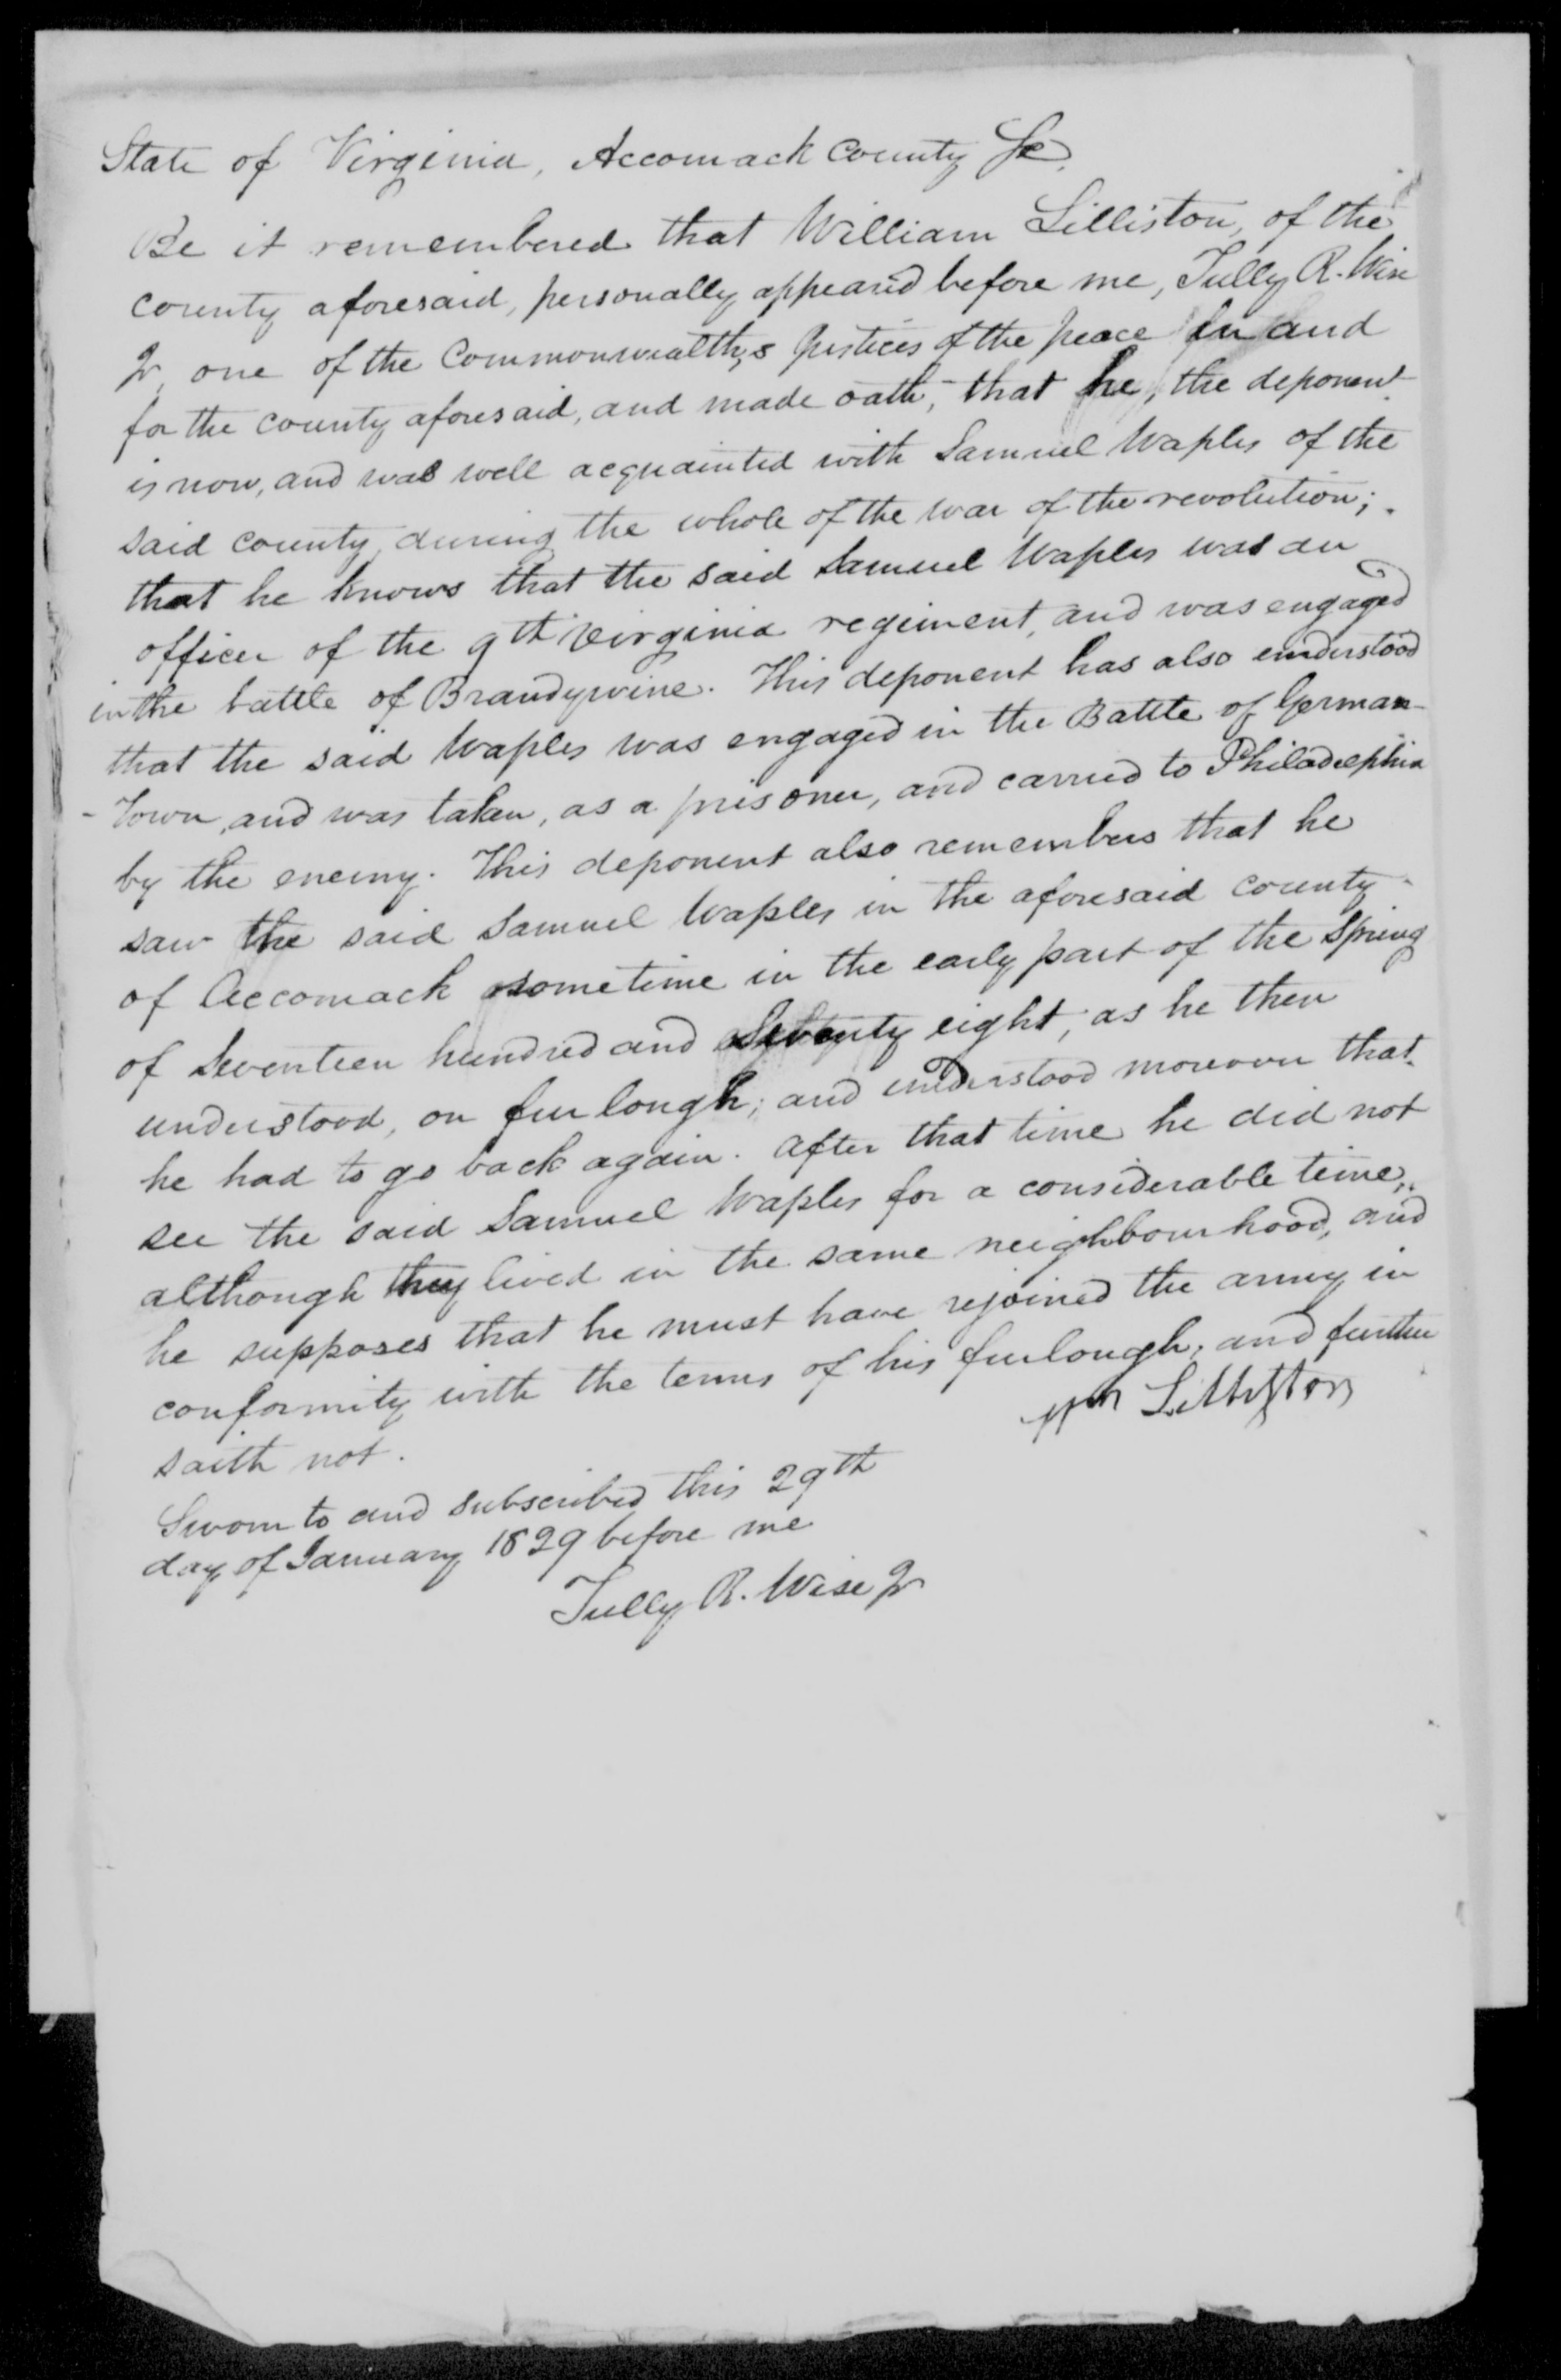State of Virginia, Accomack County SS.
Be it remembered that William Lilliston, of the County aforesaid, personally appeared before me, Tully R. Wise Jr, one of the Commonwealth's Justices of the Peace in and for the county aforesaid, and made oath, that he, the deponent is now, and was well acquainted with Samuel Waples of the said county, during the whole of the war of the revolution; that he knows that the said Samuel Waples was an officer of the 9th Virginia regiment, and was engaged in the battle of Brandywine. This deponent has also understood that the said Waples was engaged in the Battle of German-Town and was taken, as a prisoner, and carried to Philadelphia by the enemy. This deponent also remembers that he saw the said Samuel Waples in the aforesaid county of Accomack sometime in the early part of the Spring of Seventeen hundred and Seventy eight; as he then understood, on furlough; and understood moreover that he had to go back again. After that time he did not see the said Samuel Waples for a considerable time, although they lived in the same neighborhood, and he supposes that the must have rejoined the army in conformity with the terms of his furlough, and further saith not. Wm Lilliston
Sworn to and Subscribed this 29th
day of January 1829 before me
Tully R. Wise Jr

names: Samuel Waples, William Lilliston, Samuel Waples, Samuel Waples, Samuel Waples, Nath Lilliston, Waples, Tully R Wise, Tully R Wise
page: 43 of 59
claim: widow's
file: W. 6427, Samuel Waples, Va.